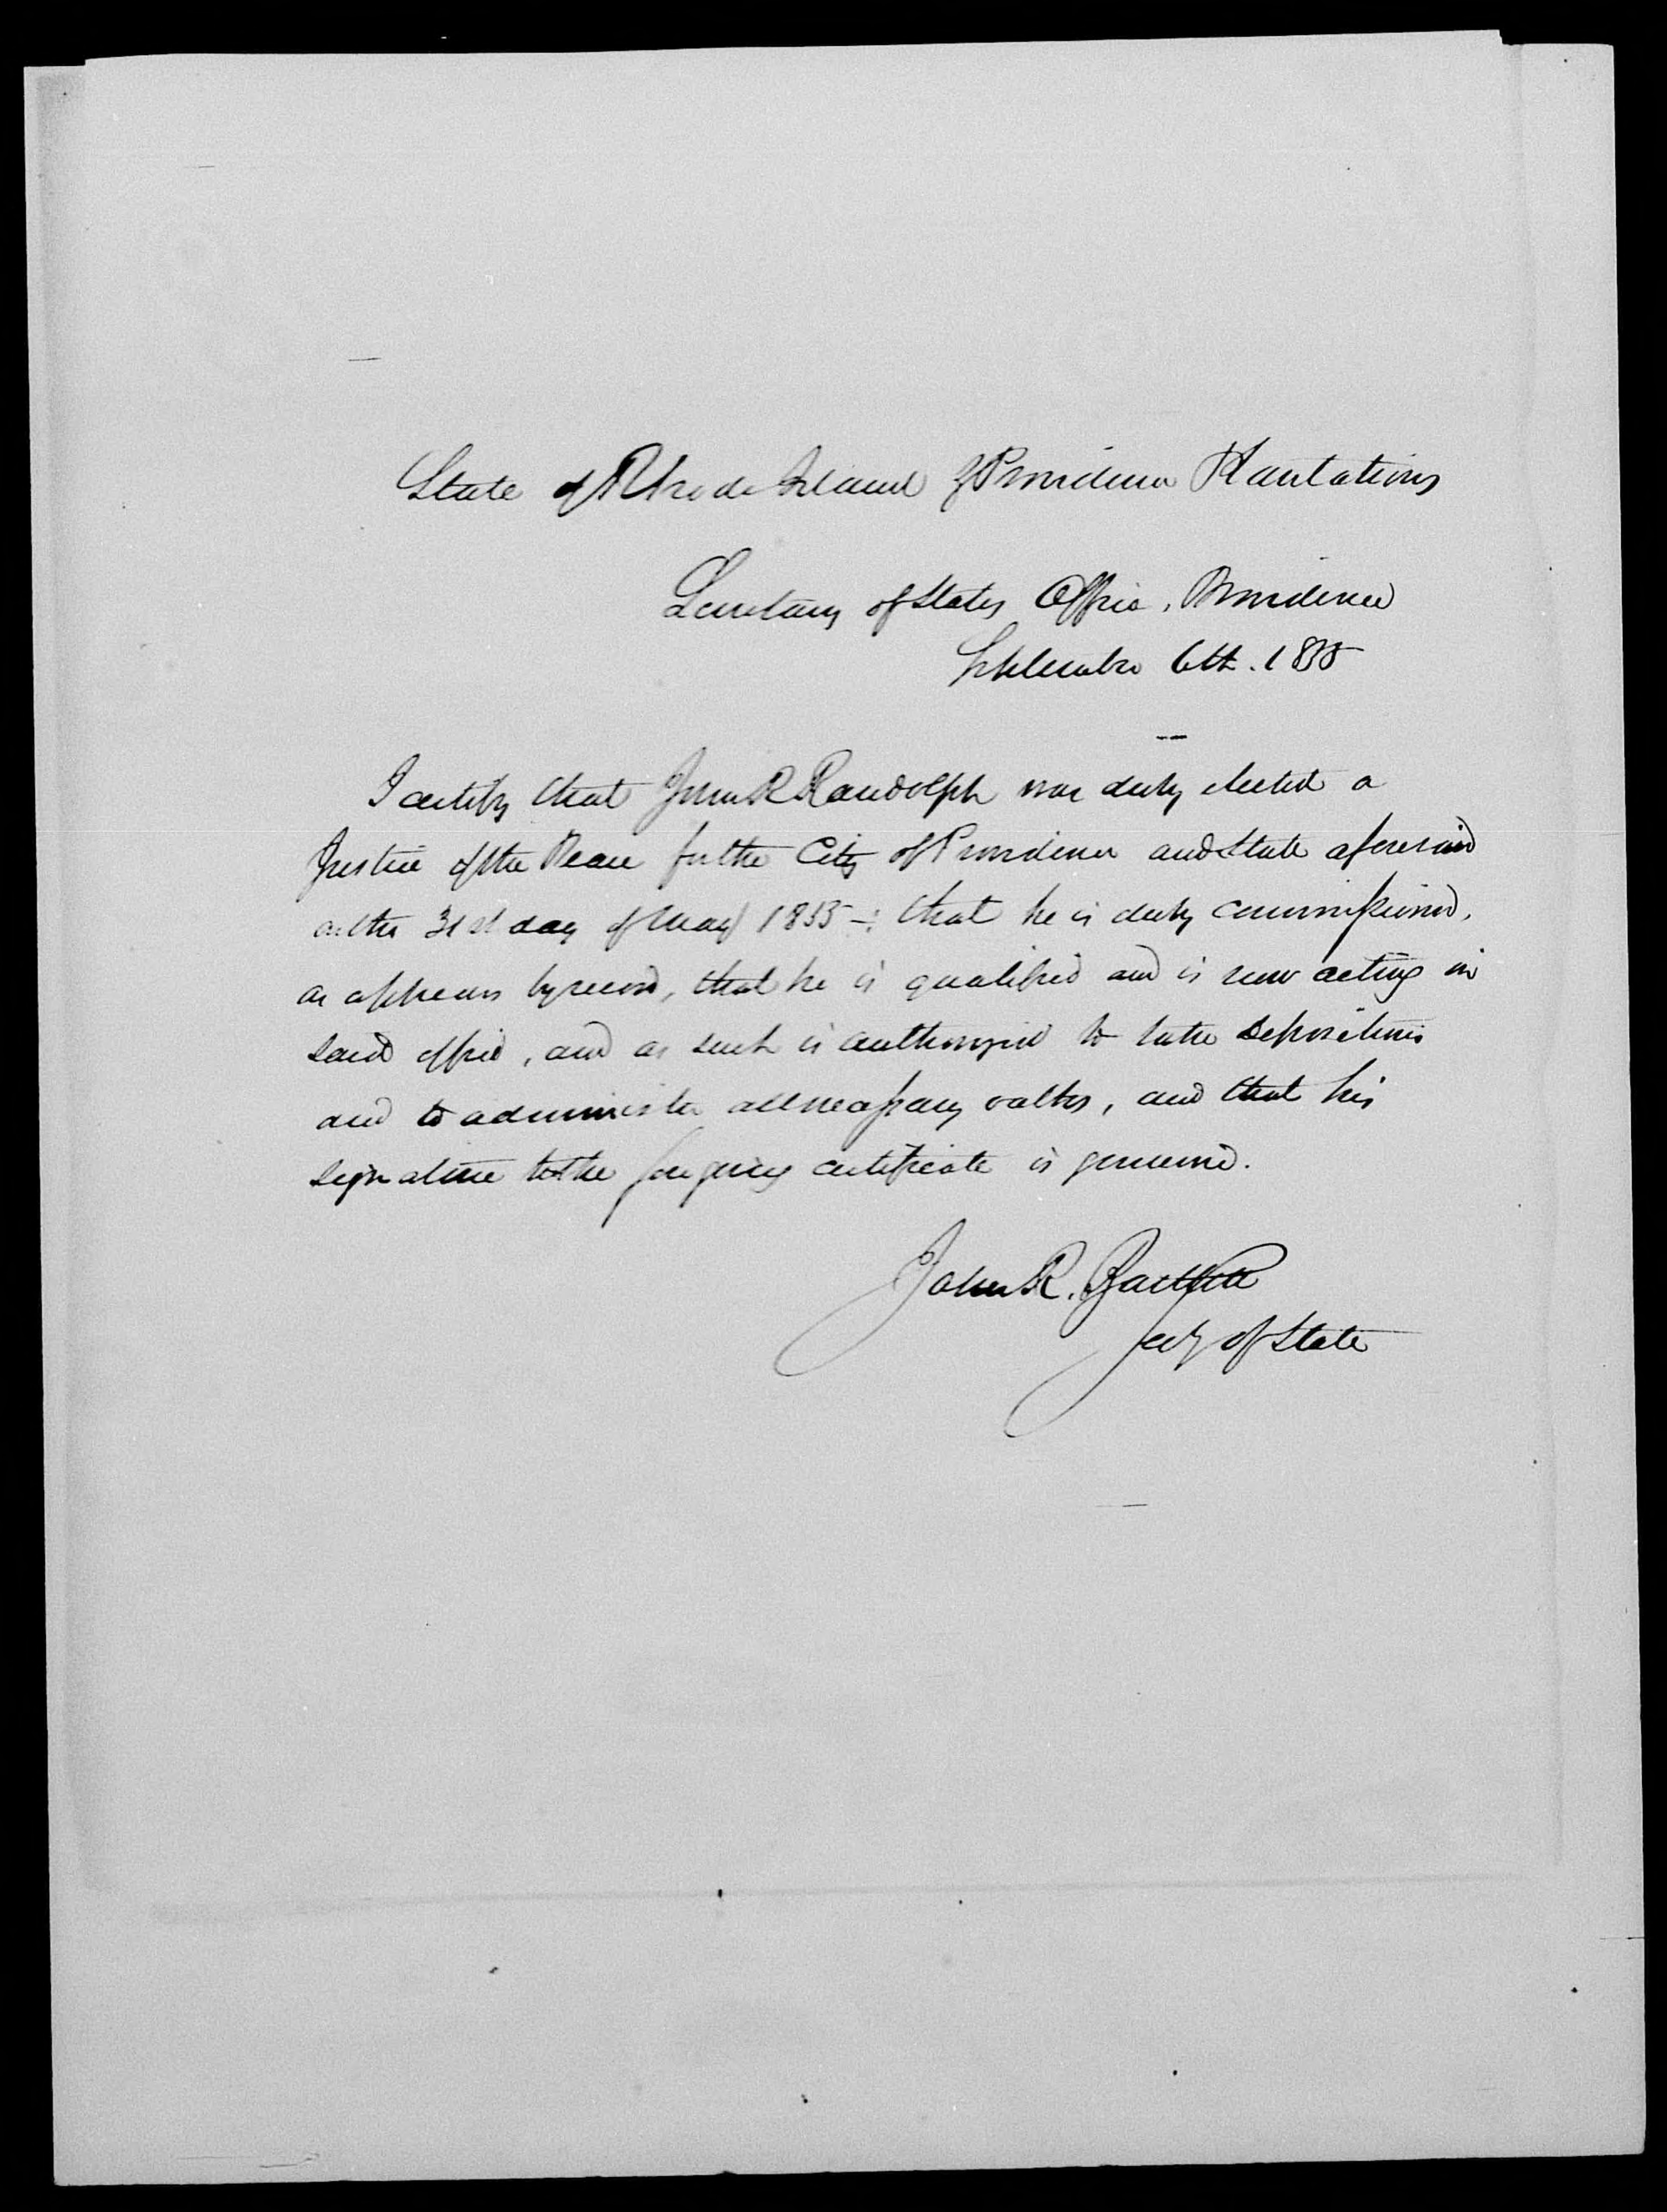State of Rhode Island and Providence Plantations
Secretary of State's Office, Providence
[?] 6th 1855
I certify that John R. Randolph was duly elected a Justice of the Peace for the City of Providence and State aforesaid on the 31st day of May 1855; that he is duly commissioned as appears by record, that he is qualified and is now acting in said office, and as such is authorized to take depositions and to administer all? oaths, and that his signature to the foregoing certificate is genuine.
John R. Bartlett
Secr of State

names: John R Bartlett, John R Randolph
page: 55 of 76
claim: widow's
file: W. 15,517, William Gadcomb, R.I.